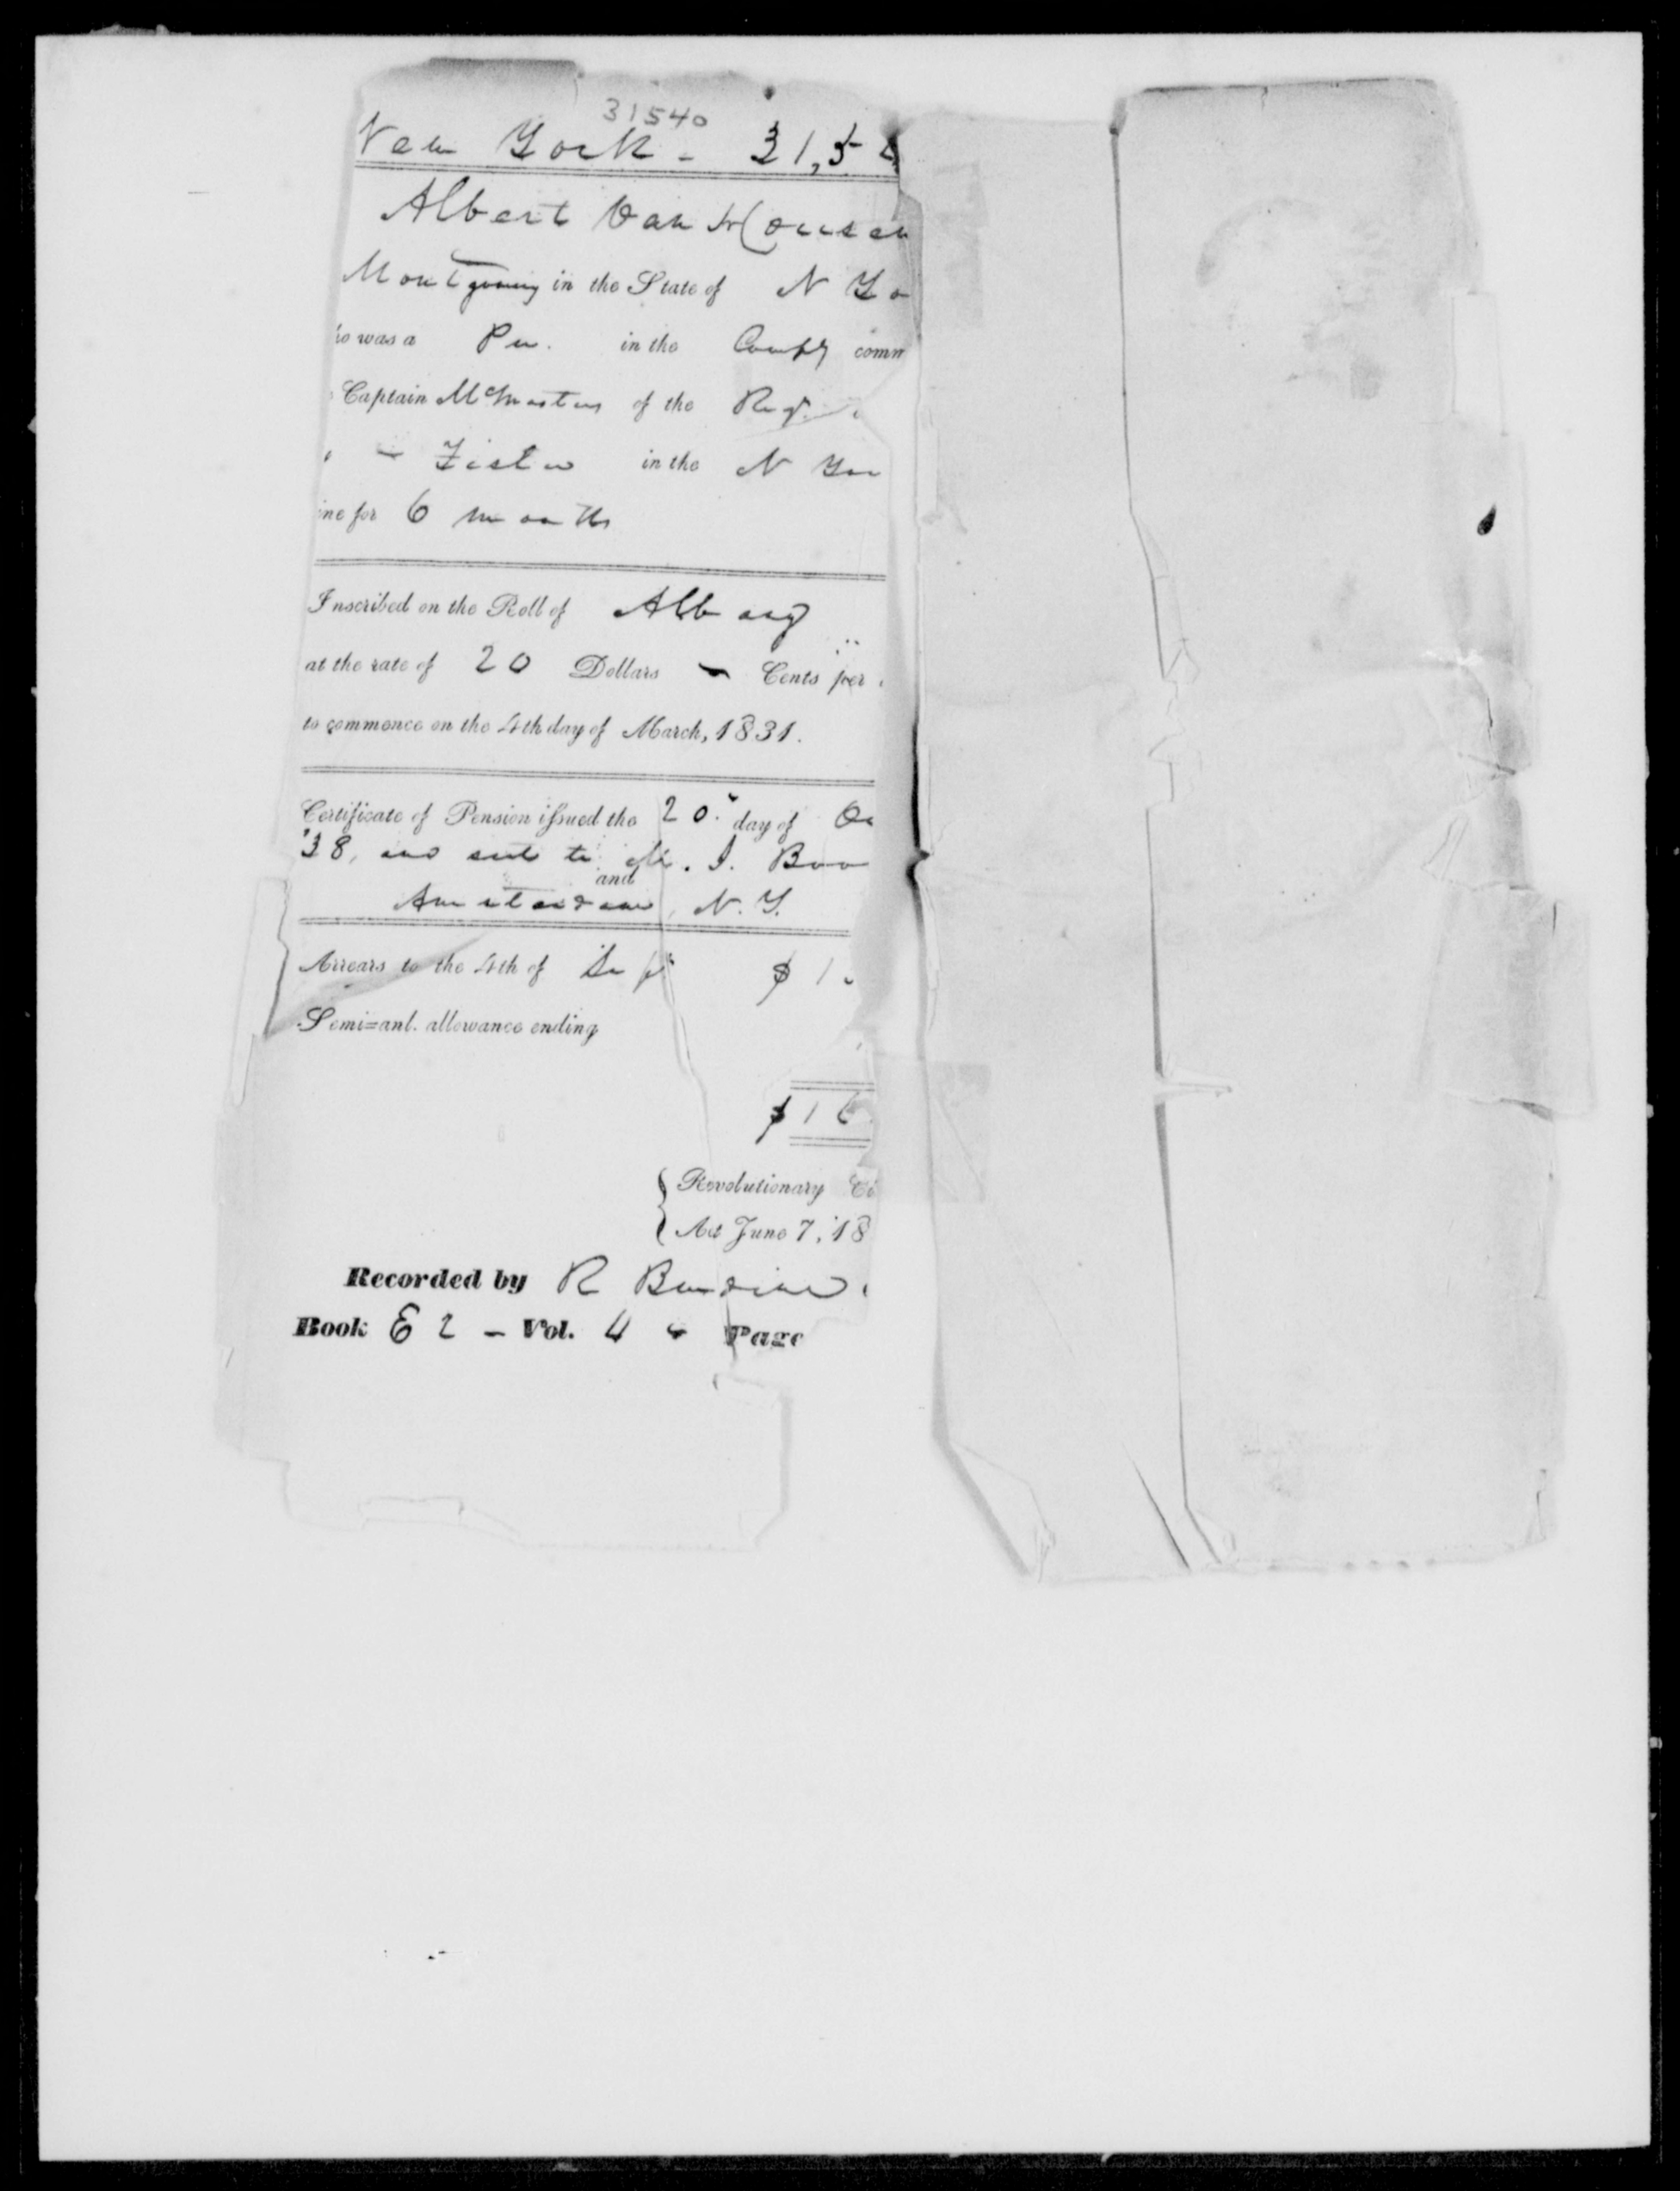31540
New York 31,540 – 
Albert Van Housen
Montgomery in the State of N York who was a Pri. in the Compy commanded by Captain McMasters of the Regt. commanded by - Fisher in the N York line for 6 months 

Inscribed on the Roll of Albany at the rate of 20 Dollars - Cents per annum to commence on the 4th day of March, 1831. 

Certificate of Pension issued the 20th day of Oct ‘38, and sent to M.J. Boovee and Amsterdam, N. Y. 

Arrears to the 4th of Sept $1 [illegible]
Semi=anl. allowance ending 
$ 16 [illegible]
{Revolutionary Act June 7,1832}

Recorded by R. Burdine [Clerk]
Book E2  Vol. 4  & Page [illegible]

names: Fisher, R Burdine, M J Boovee, Albert Van Housen, Mc Masters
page: 2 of 57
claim: survivor's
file: S. 28,925, Albert Van Housen, New York